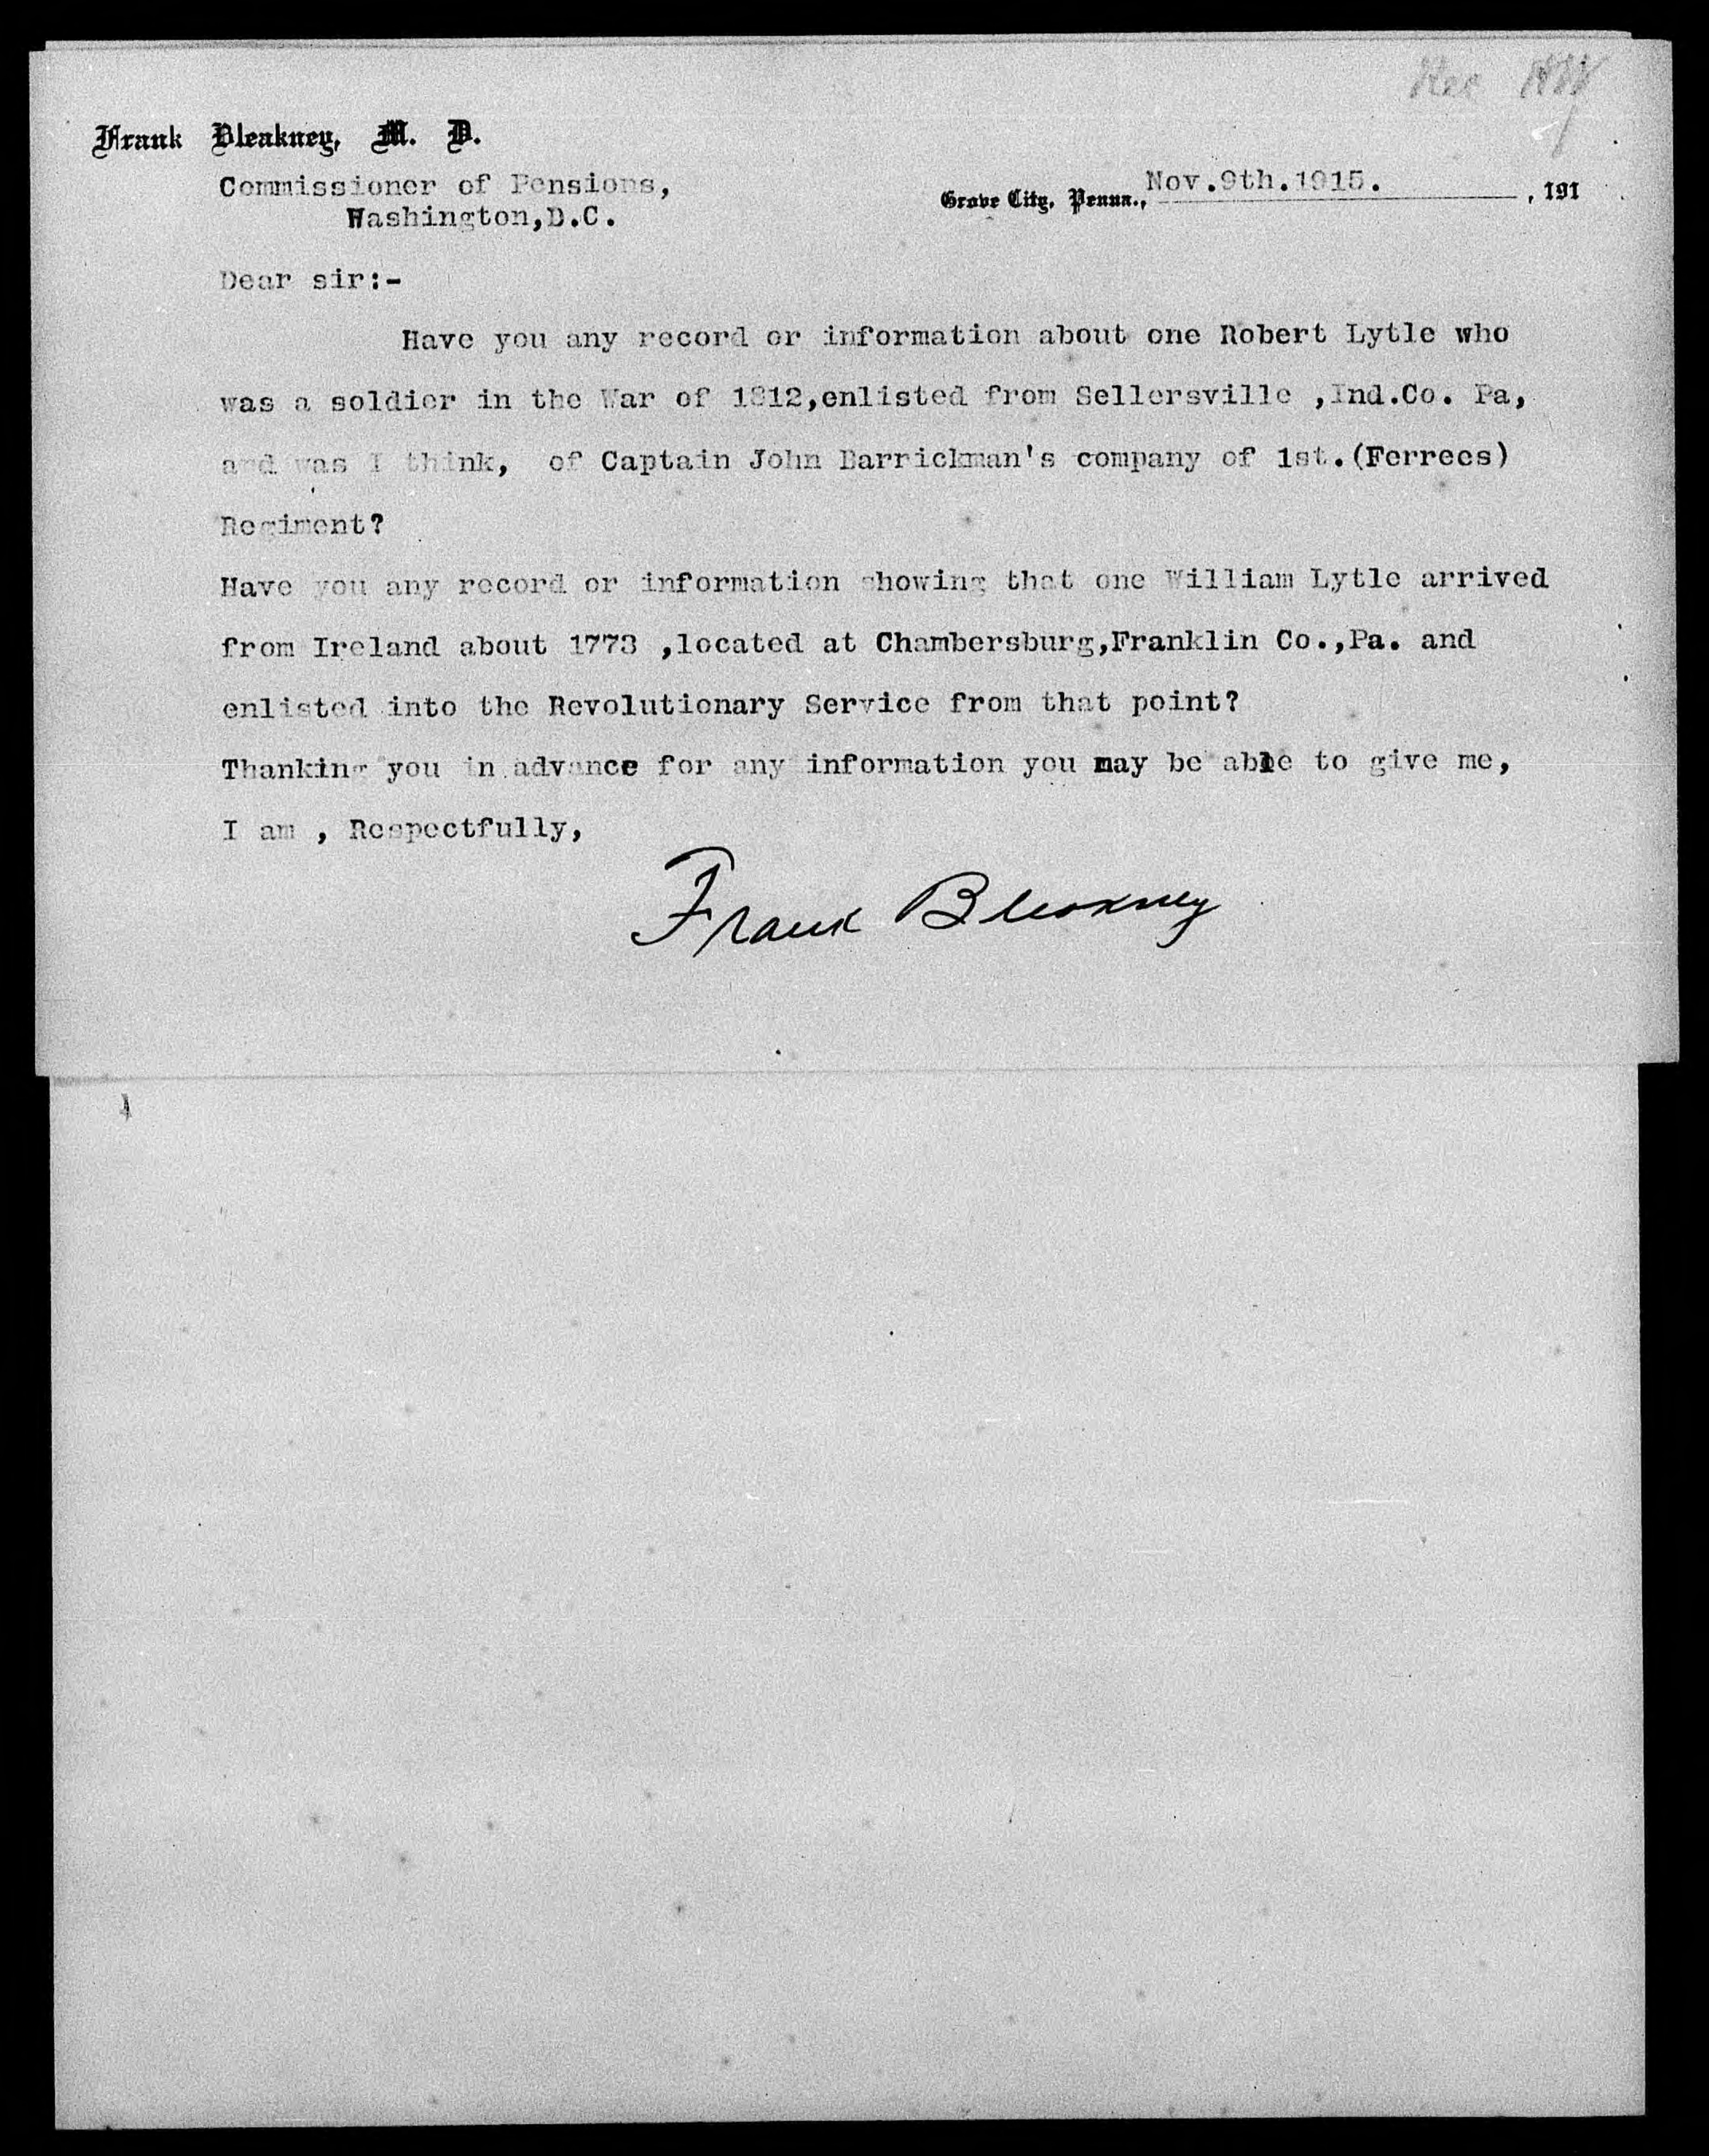Rec HW

Frank Bleakney, M. D.
Grove City, Penna., Nov. 9th.1915.

Commissioner of Pensions,
Washington, D.C.

Dear sir:-

Have you any record or information about one Robert Lytle was a soldier in the War of 1812, enlisted from Sellersville, Ind. Co. Pa., and was I think, of Captain John Barrickman's company of 1st. (Ferrees) Regiment?
Have you any record or information showing that one William Lytle arrived from Ireland about 1773, located at Chambersburg, Franklin Co., Pa. and enlisted into the Revolutionary Service from that point?
Thanking you in advance for any information you may be able to give me,
I am, Respectfully,
Frank Bleakney
-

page: 17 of 24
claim: survivor's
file: S. 13810, for William Lytle, New York